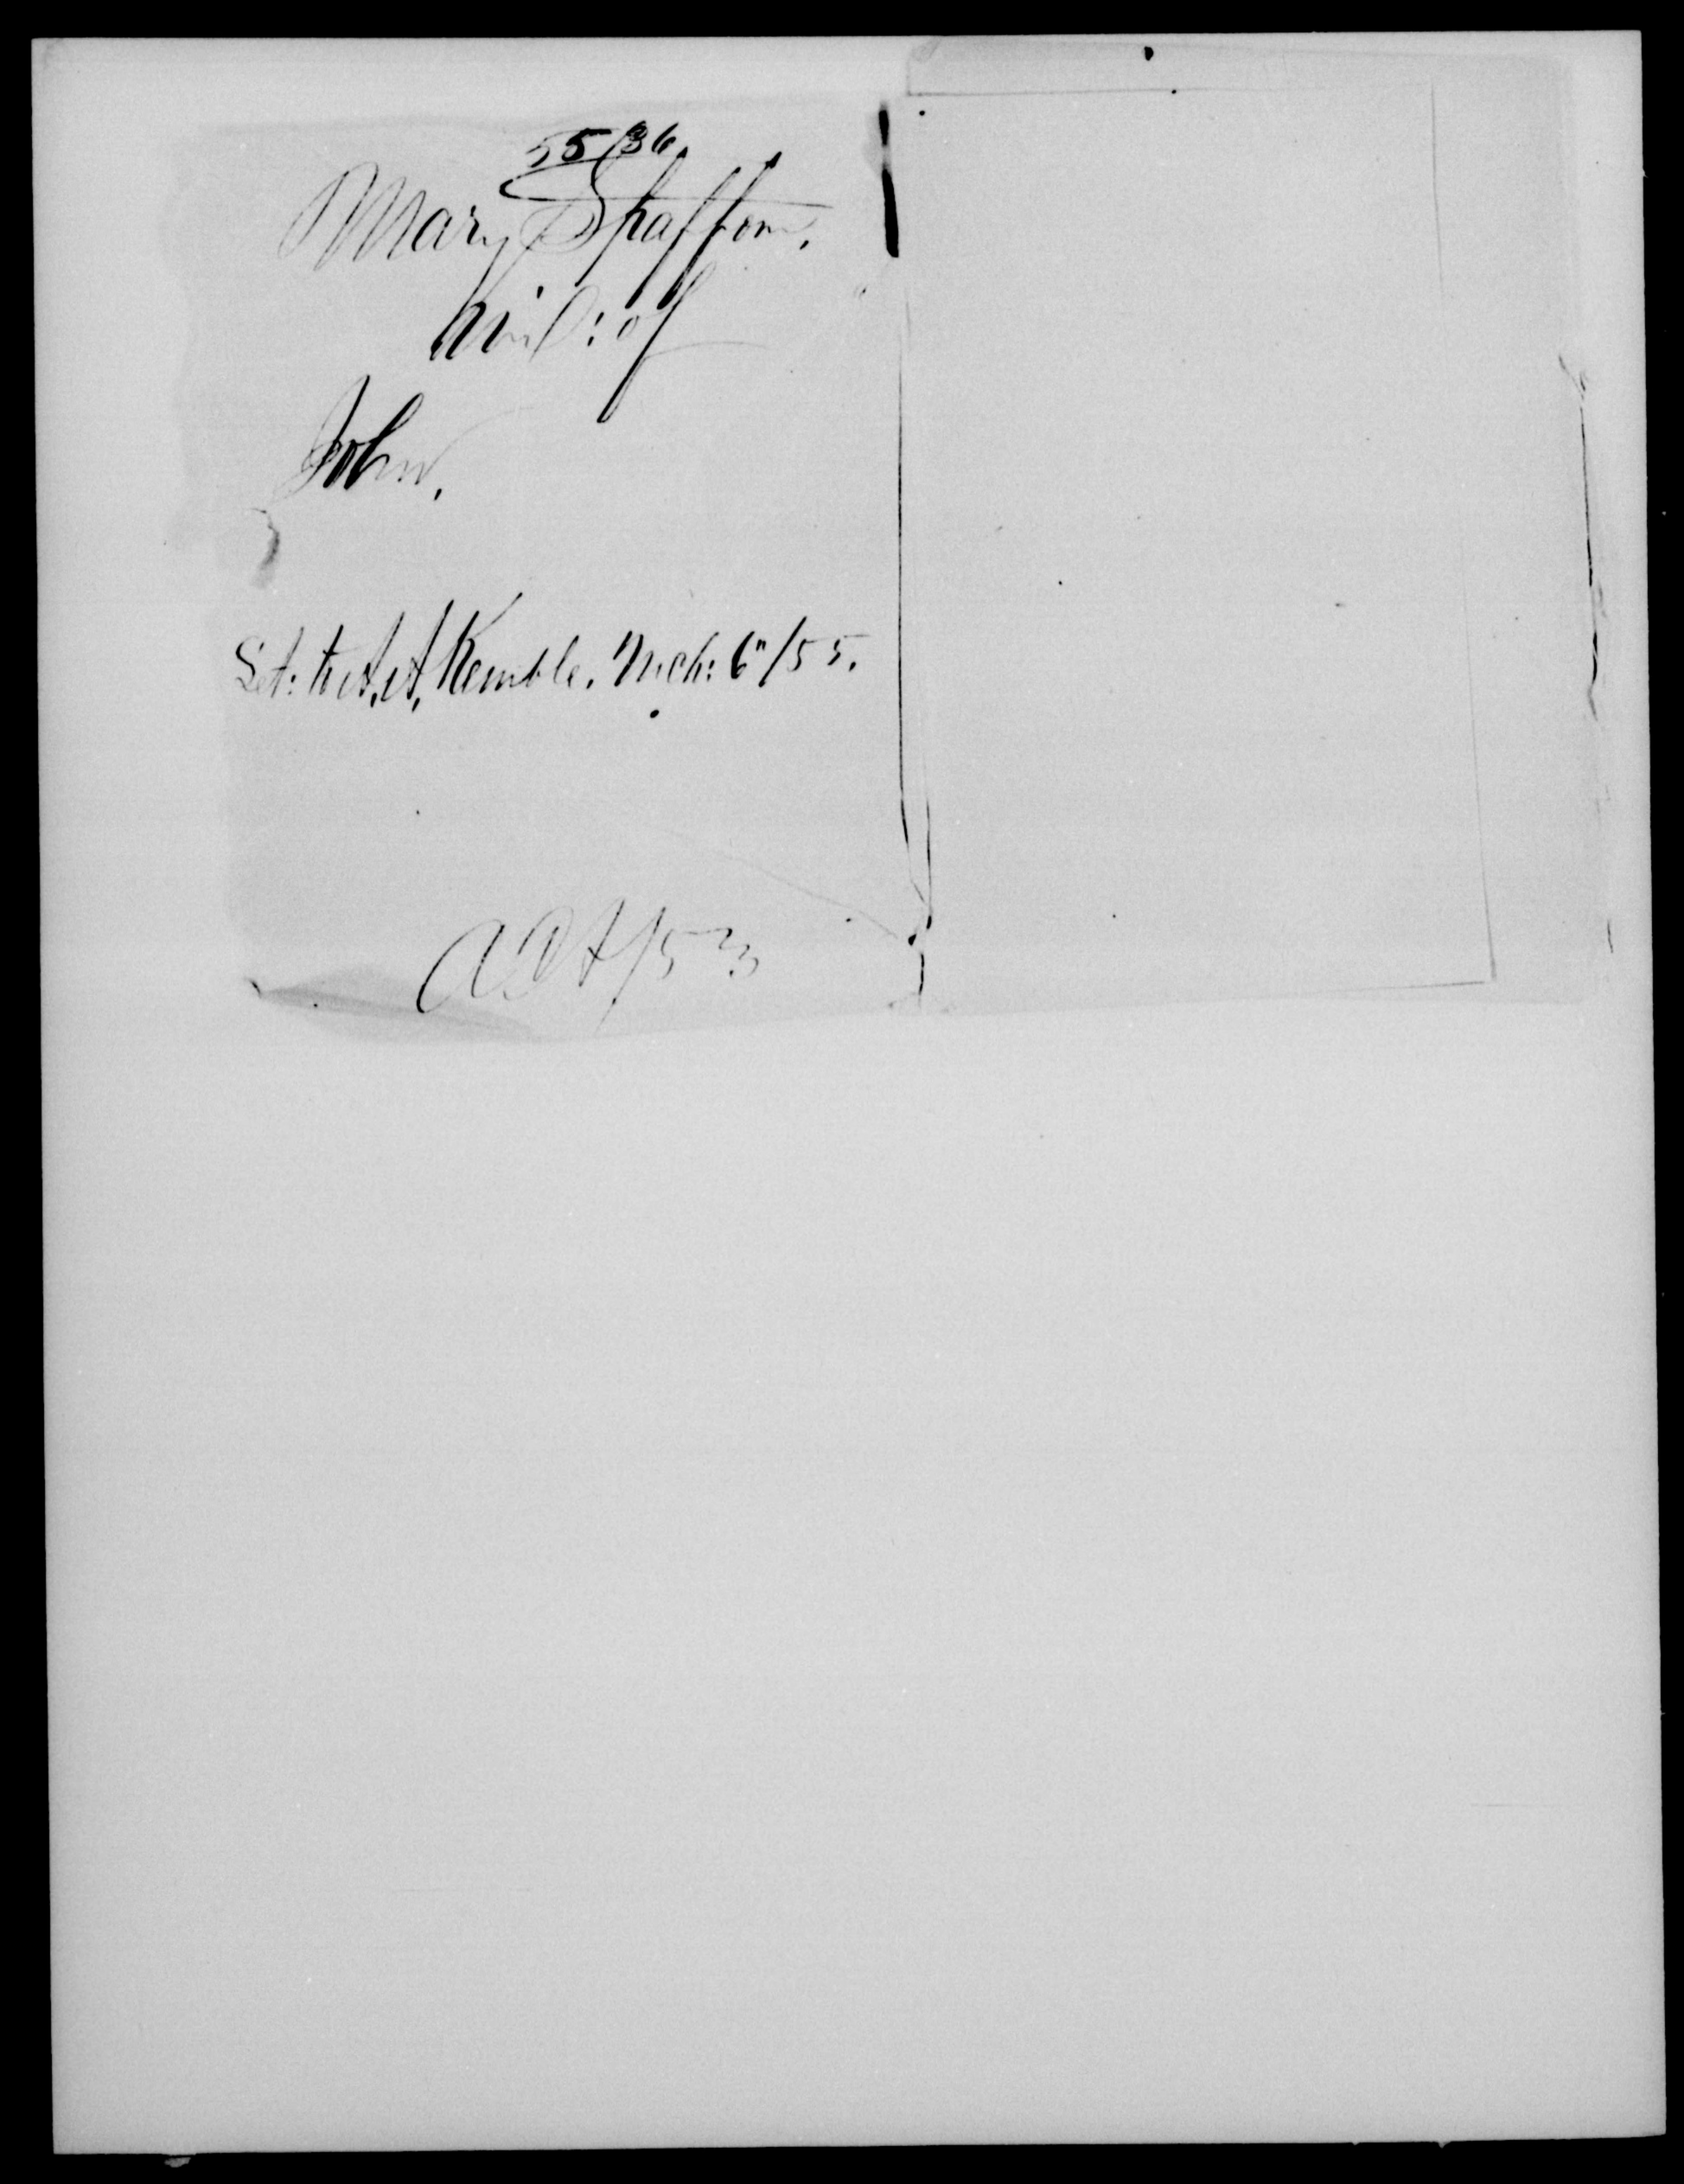5586
Mary Stafford
Widow of John
State of Kentucky  Mch:6/55

AA Kemble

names: John [BLANK]; A A Kemble; Mary Stafford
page: 53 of 61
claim: widow's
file: W. 11554, for John Stafford, Maryland